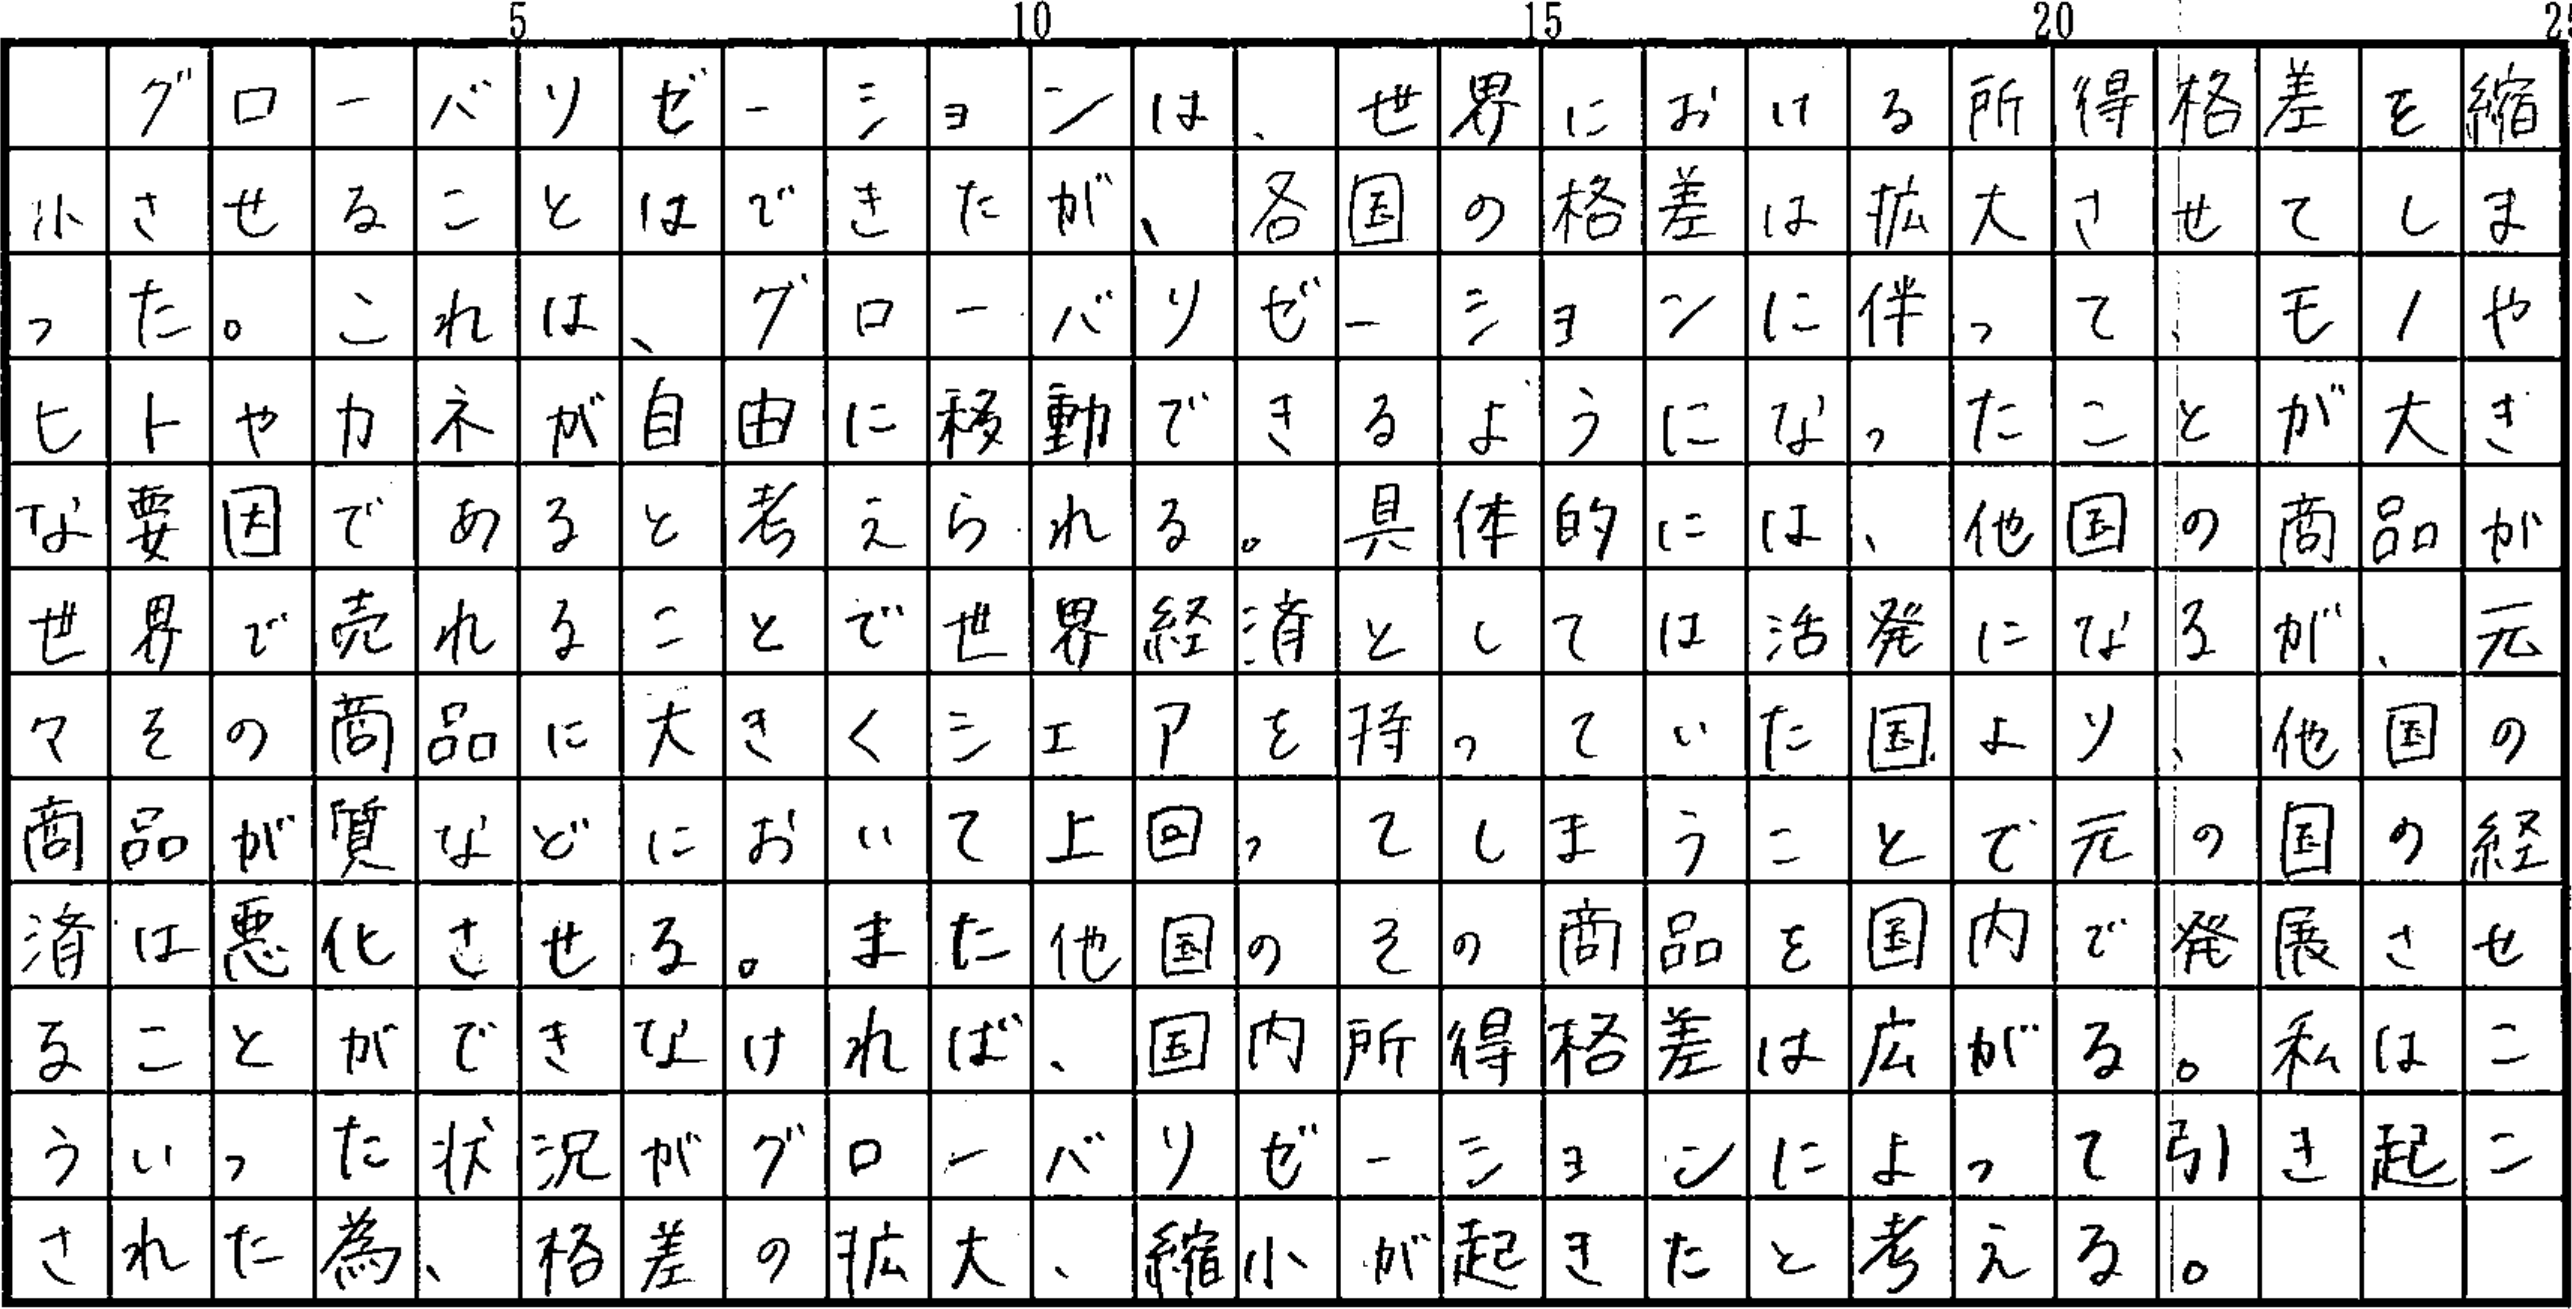　グローバリゼーションは、世界における所得格差を縮小させることはできたが、各国の格差は拡大させてしまった。これは、グローバリゼーションに伴って、モノやヒトやカネが自由に移動できるようになったことが大きな要因であると考えられる。具体的には、他国の商品が世界で売れることで世界経済としては活発になるが、元々その商品に大きくシェアを持っていた国より、他国の商品が質などにおいて上回ってしまうことで元の国の経済は悪化させる。また他国のその商品を国内で発展させることができなければ、国内所得格差は広がる。私はこういった状況がグローバリゼーションによって引き起こされた為、格差の拡大、縮小が起きたと考える。
